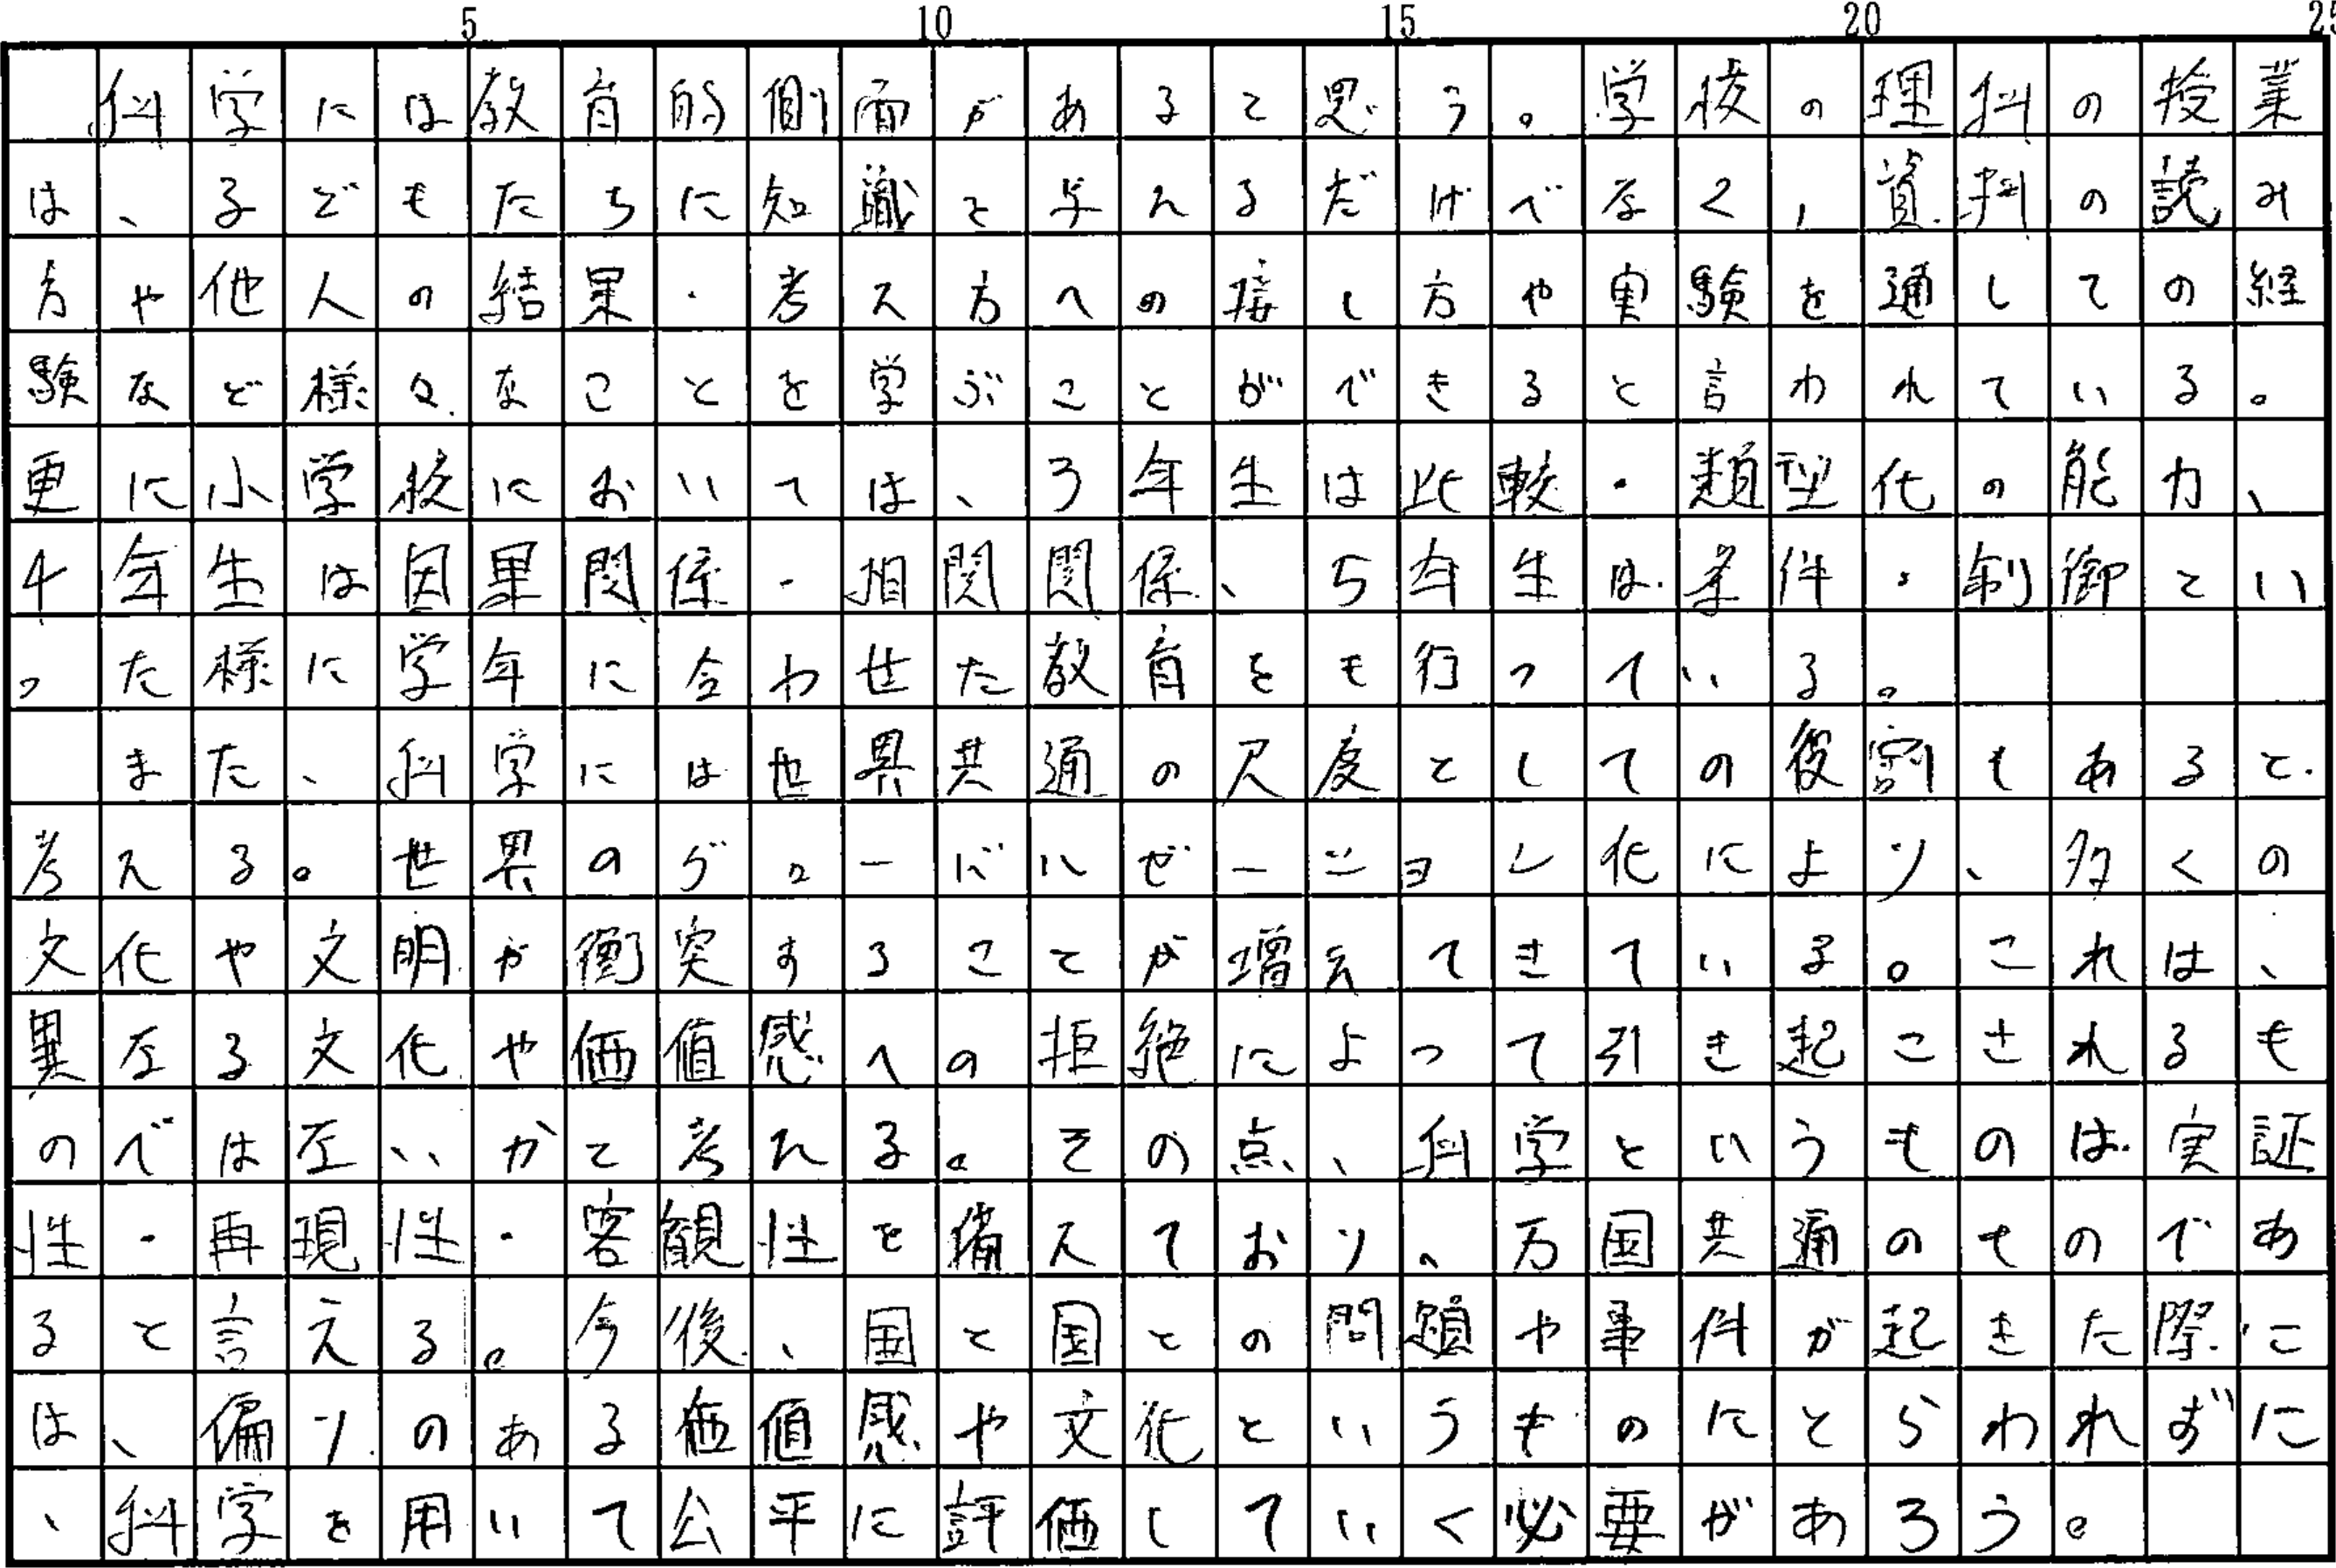　科学には教育的側面があると思う。学校の理科の授業は、子どもたちに知識を与えるだけでなく、資料の読み方や他人の結果・考え方への接し方や実験を通しての経験など様々なことを学ぶことができると言われている。更に小学校においては、３年生は比較・類型化の能力、４年生は因果関係・相関関係、５年生は条件・制御といった様に学年に合わせた教育をも行っている。
　また、科学には世界共通の尺度としての役割もあると考える。世界のグローバルゼーション化により、多くの文化や文明が衝突することが増えてきている。これは、異なる文化や価値感への拒絶によって引き起こされるものではないかと考える。その点、科学というものは実証性・再現性・客観性を備えており、万国共通のものであると言える。今後、国と国との問題や事件が起きた際には、偏りのある価値感や文化というものにとらわれずに、科学を用いて公平に評価していく必要があろう。
